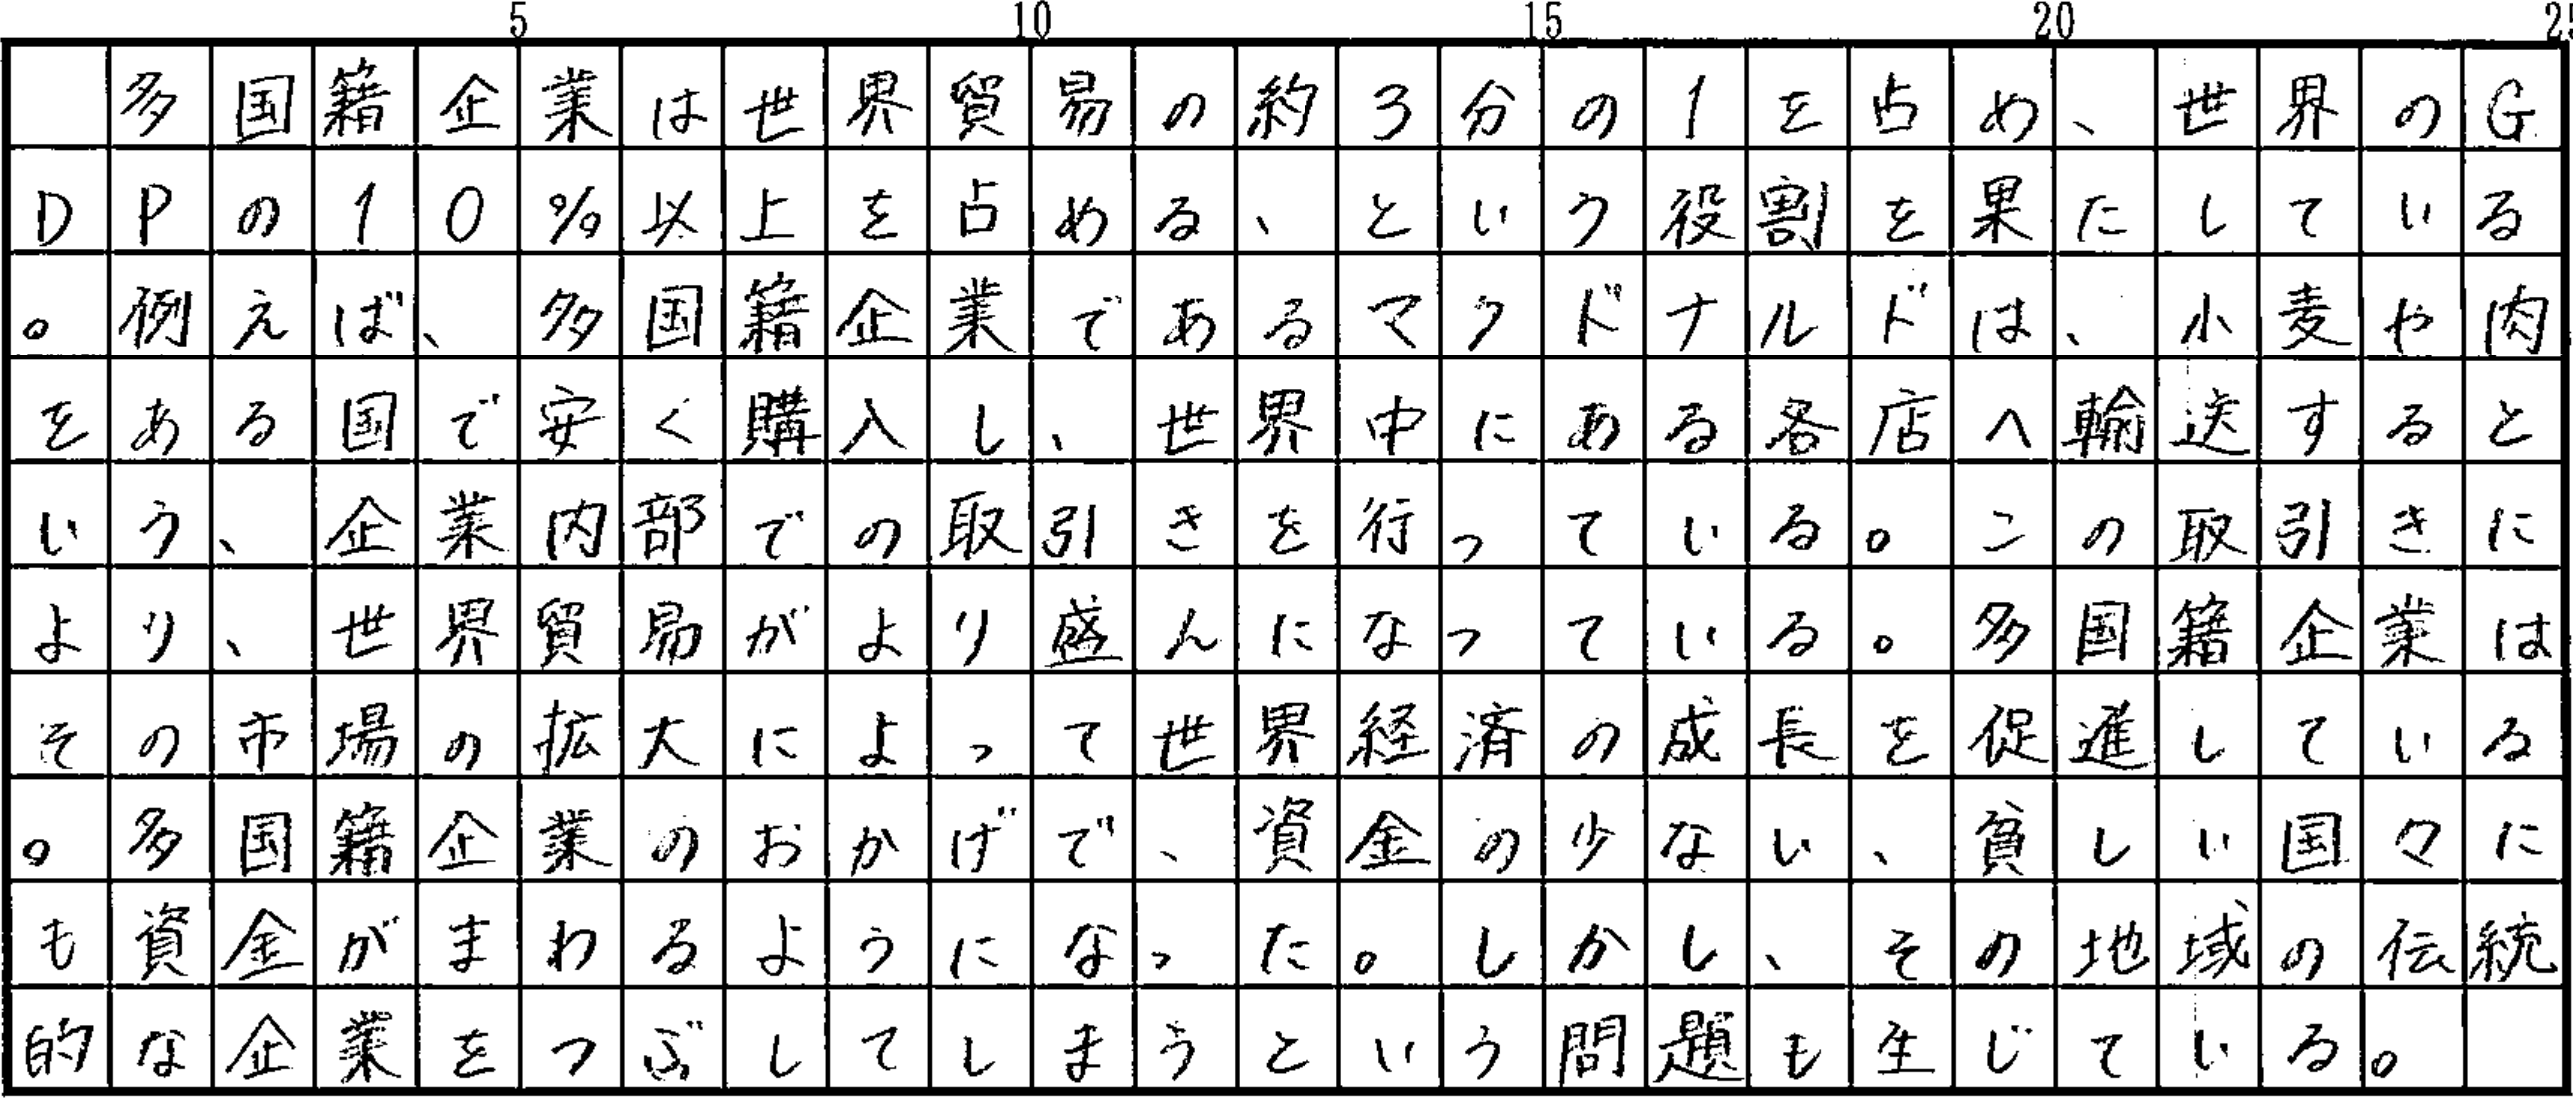　多国籍企業は世界貿易の約３分の１を占め、世界のＧＤＰの１０％以上を占める、という役割を果たしている。例えば、多国籍企業であるマクドナルドは、小麦や肉をある国で安く購入し、世界中にある各店へ輸送するという、企業内部での取引きを行っている。この取引きにより、世界貿易がより盛んになっている。多国籍企業はその市場の拡大によって世界経済の成長を促進している。多国籍企業のおかげで、資金の少ない、貧しい国々にも資金がまわるようになった。しかし、その地域の伝統的な企業をつぶしてしまうという問題も生じている。
